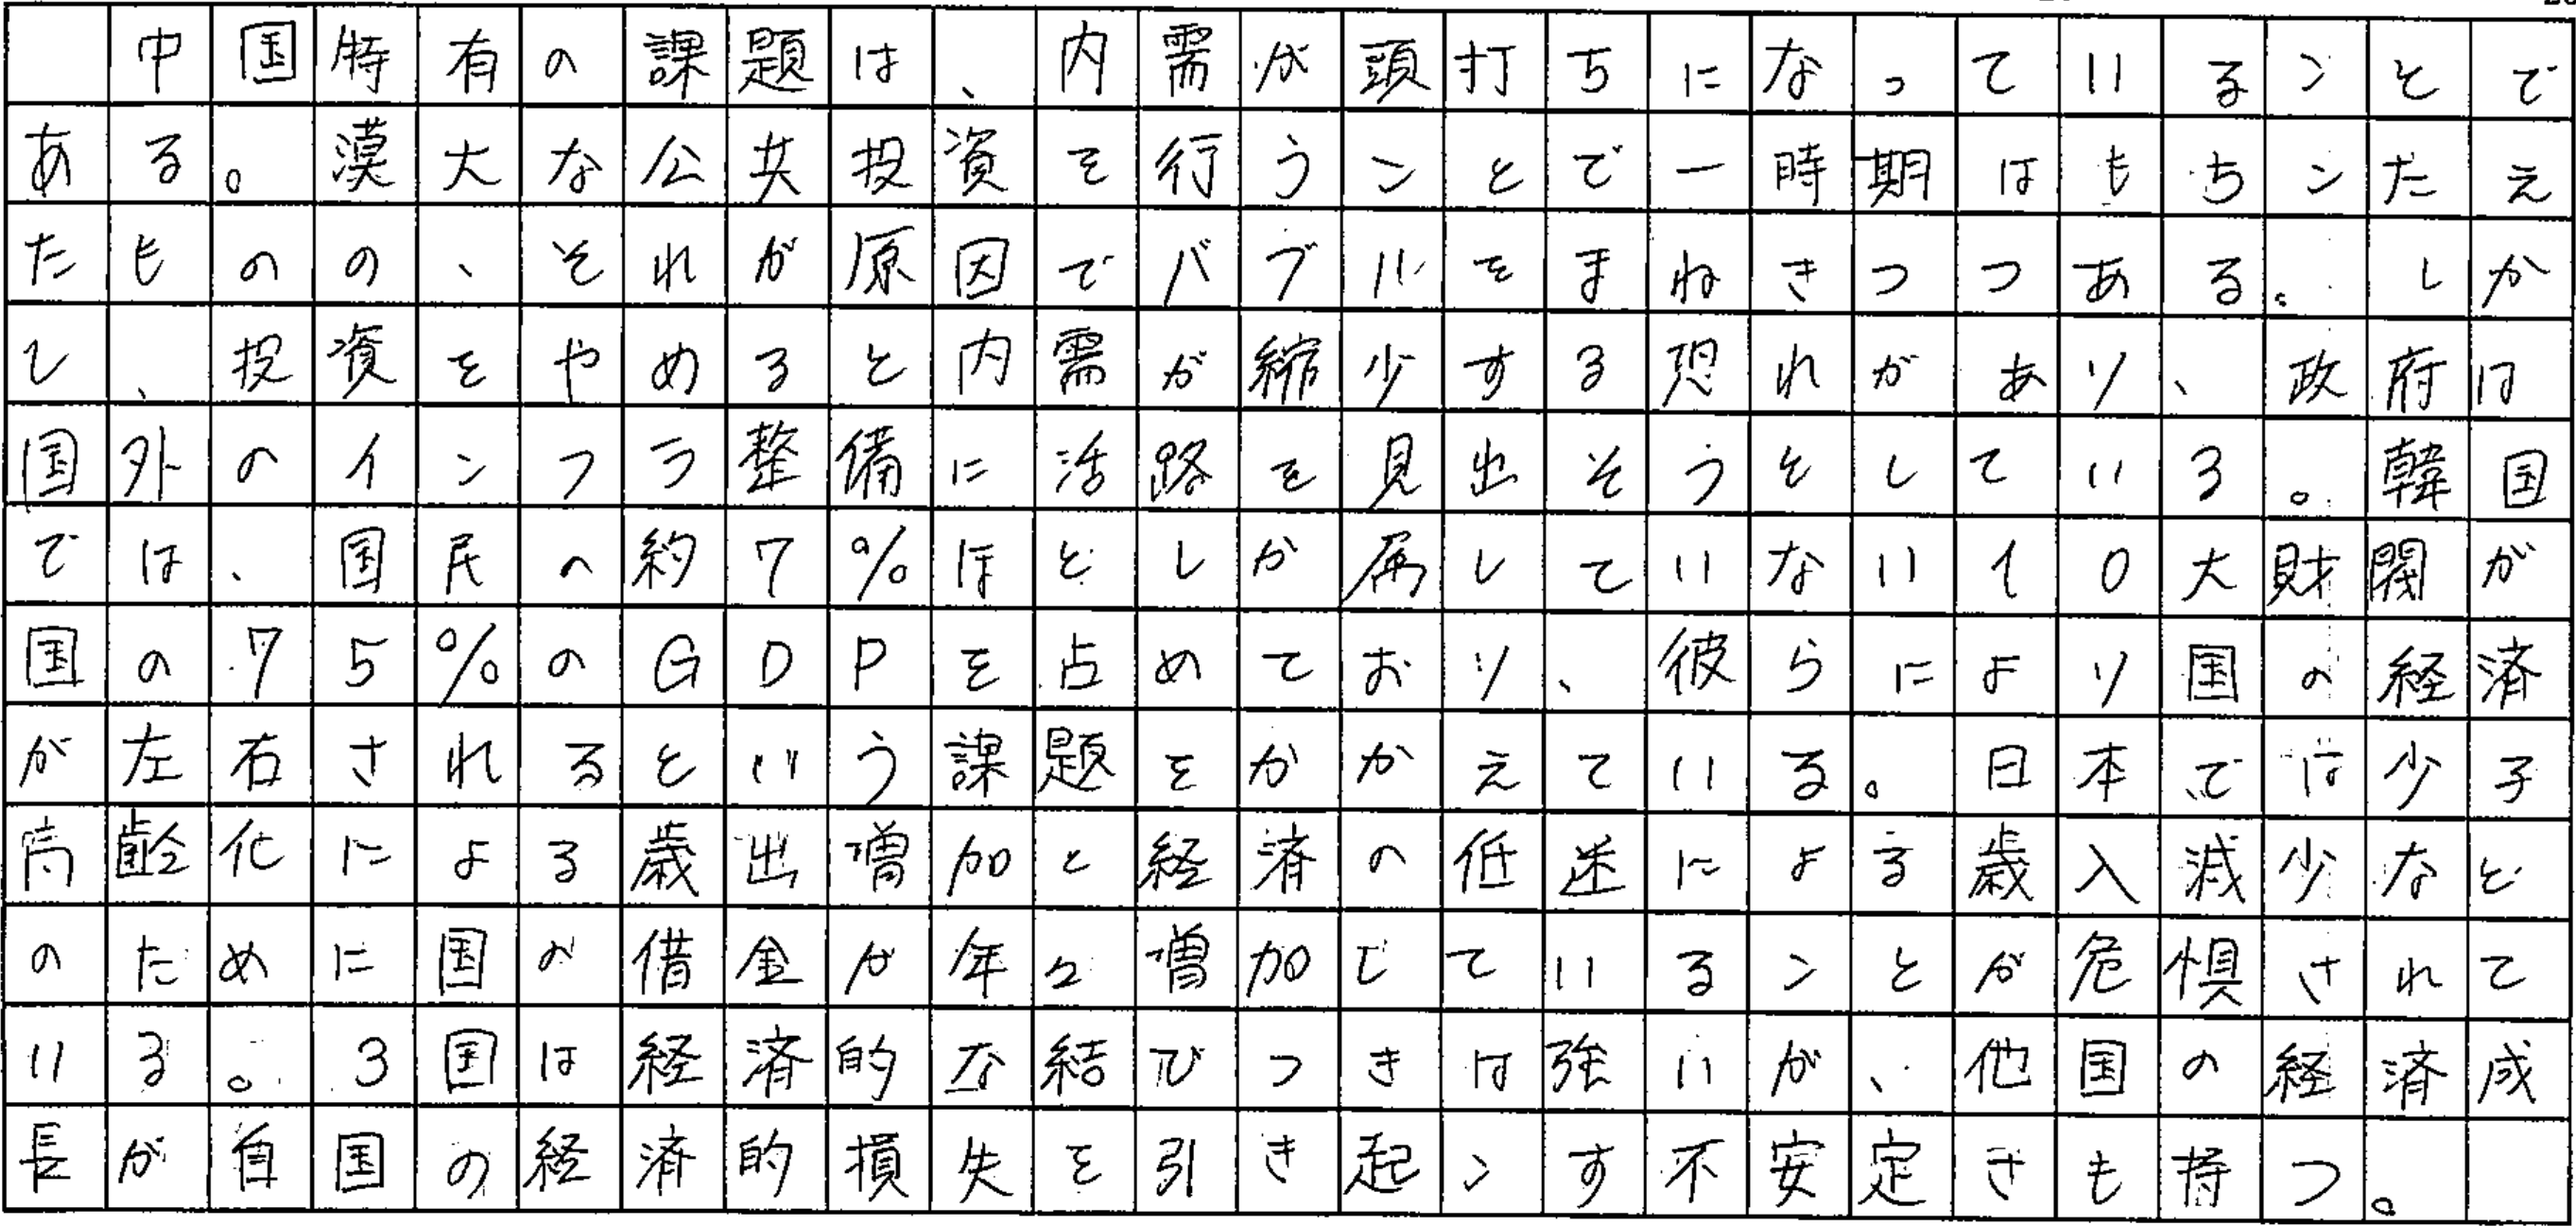　中国特有の課題は、内需が頭打ちになっていることである。漠大な公共投資を行うことで一時期はもちこたえたものの、それが原因でバブルをまねきつつある。しかし、投資をやめると内需が縮少する恐れがあり、政府は国外のインフラ整備に活路を見出そうとしている。韓国では、国民の約７％ほどしか▁していない１０大財閥が国の７５％のＧＤＰを占めており、彼らにより国の経済が左右されるという課題をかかえている。日本では少子高齢化による歳出増加と経済の低迷による歳入減少などのために国の借金が年々増加していることが危惧されている。３国は経済的な結びつきは強いが、他国の経済成長が自国の経済的損失を引き起こす不安定さも持つ。
